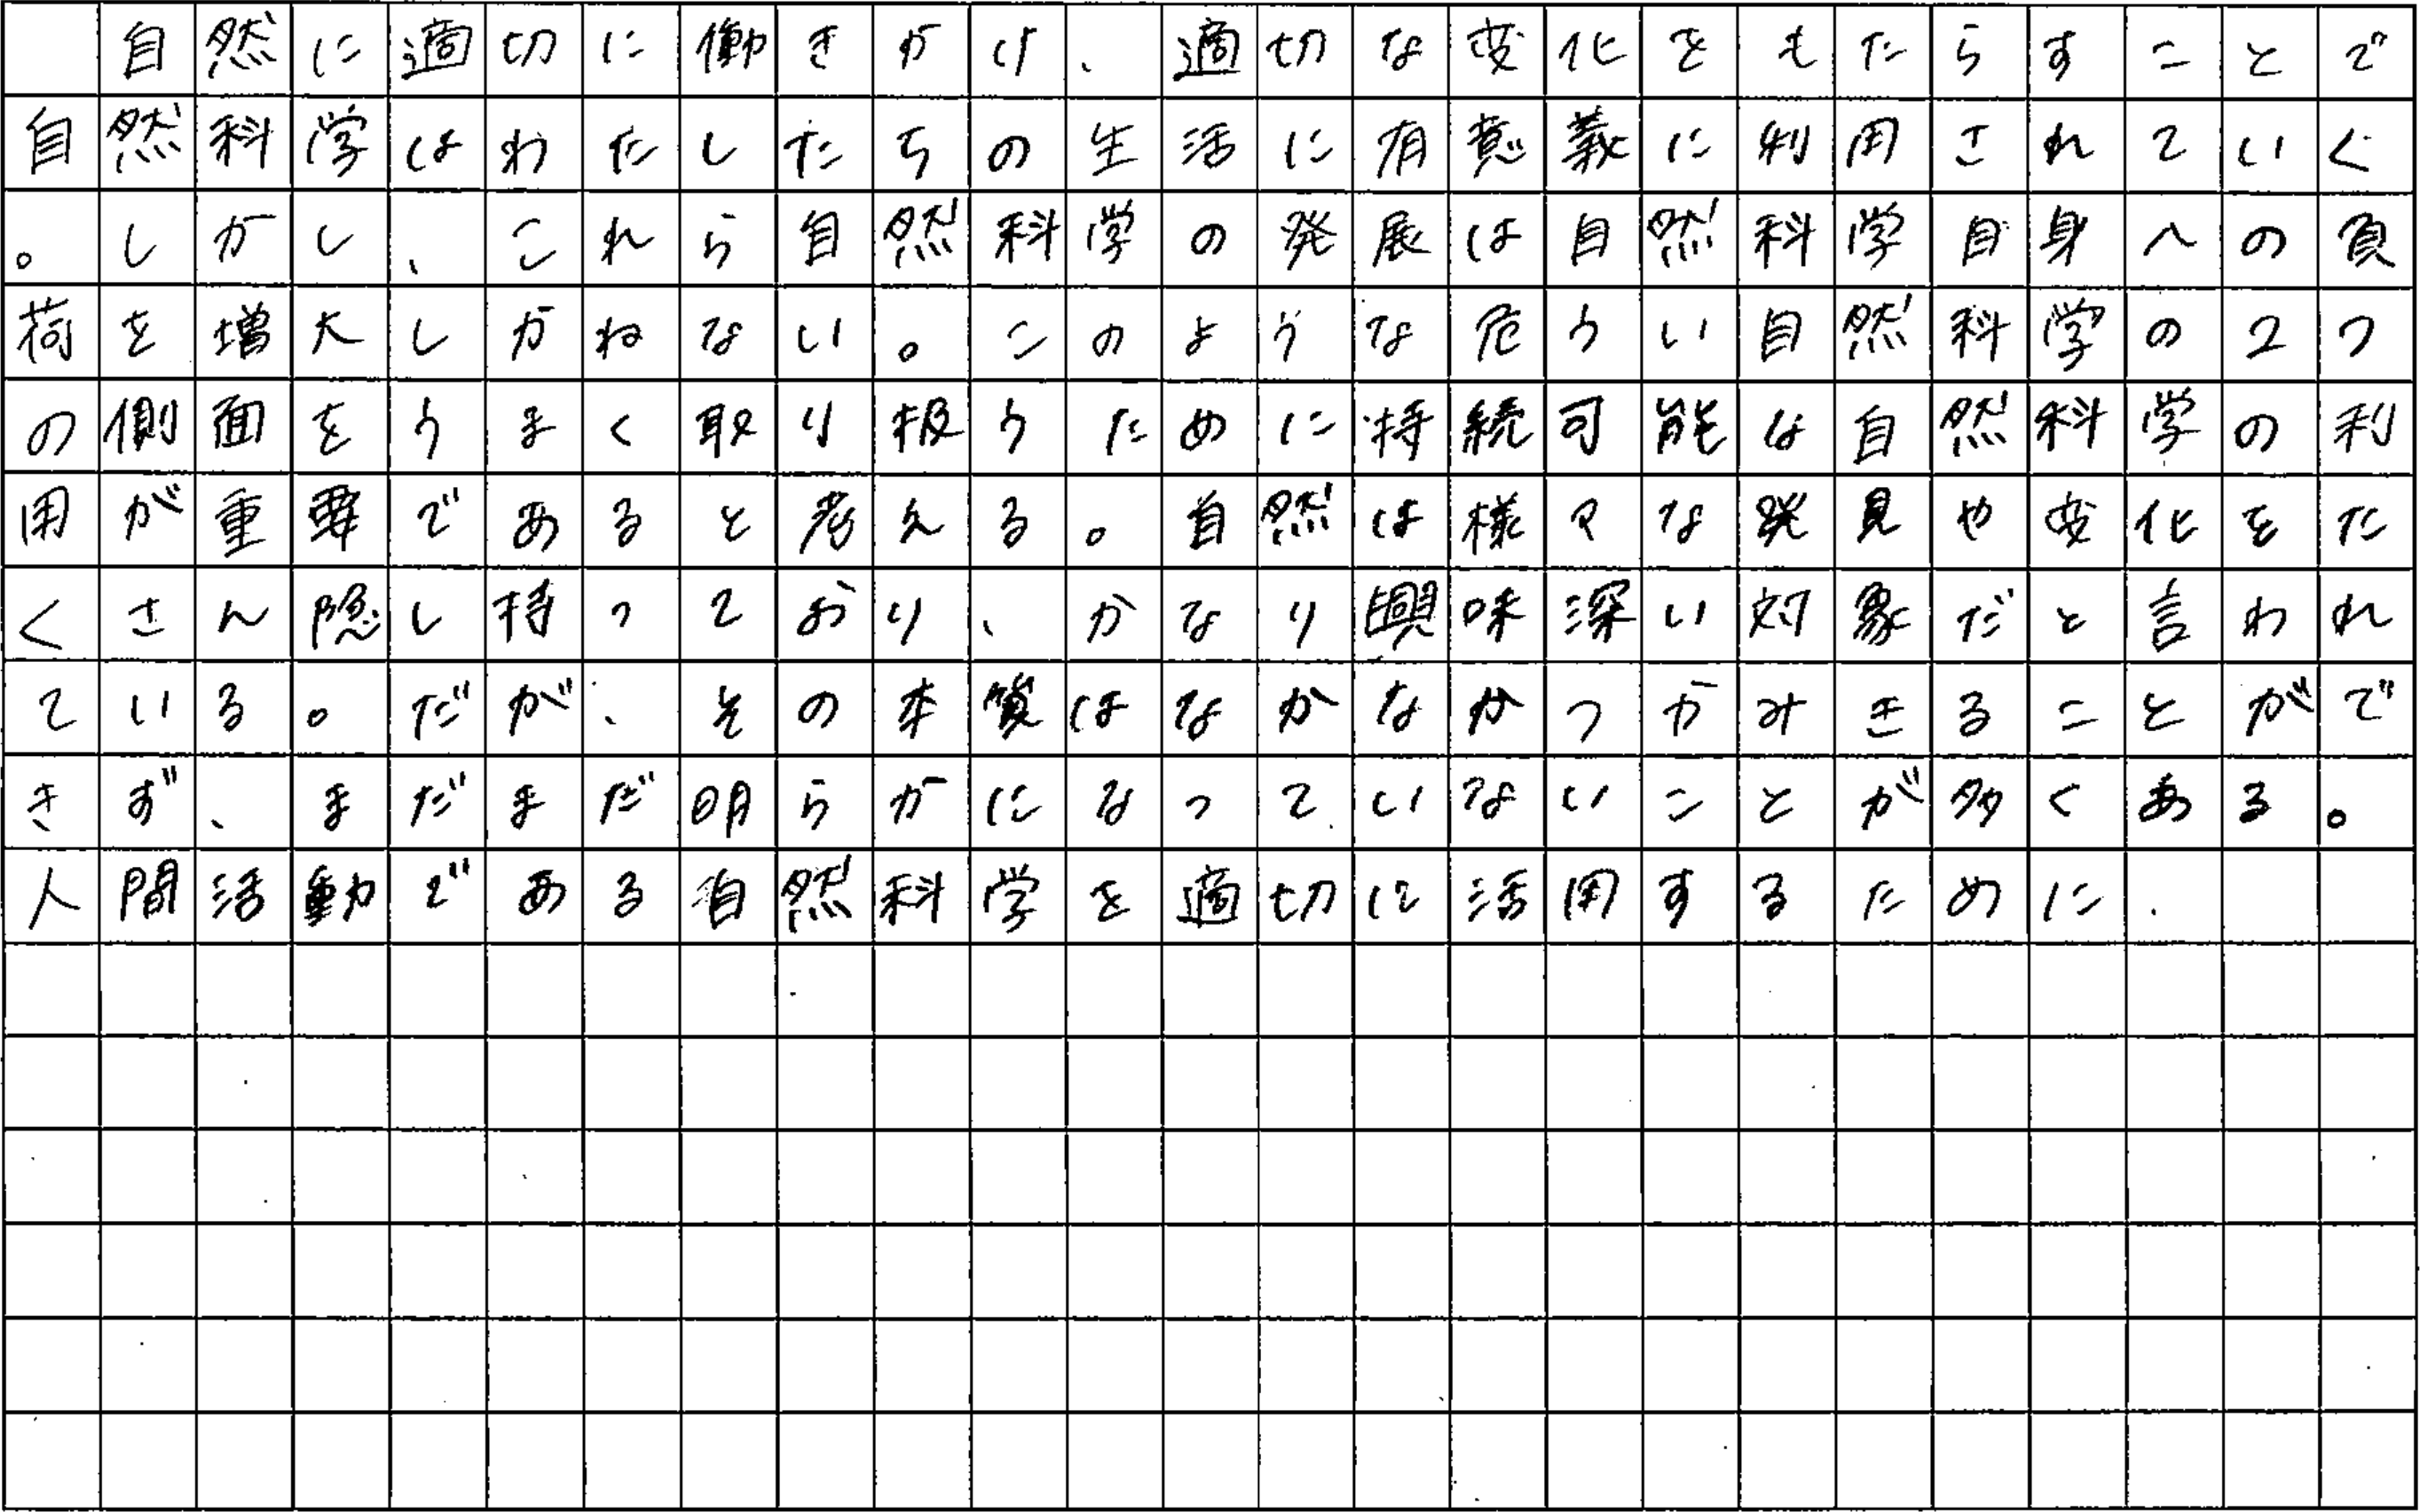　自然に適切に働きかけ、適切な変化をもたらすことで自然科学はわたしたちの生活に有意義に利用されていく。しかし、これら自然科学の発展は自然科学自身への負荷を増大しかねない。このような危うい自然科学の２つの側面をうまく取り扱うために持続可能な自然科学の利用が重要であると考える。自然は様々な発見や変化をたくさん隠し持っており、かなり興味深い対象だと言われている。だが、その本質はなかなかつかみきることができず、まだまだ明らかになっていないことが多くある。人間活動である自然科学を適切に活用するために、
